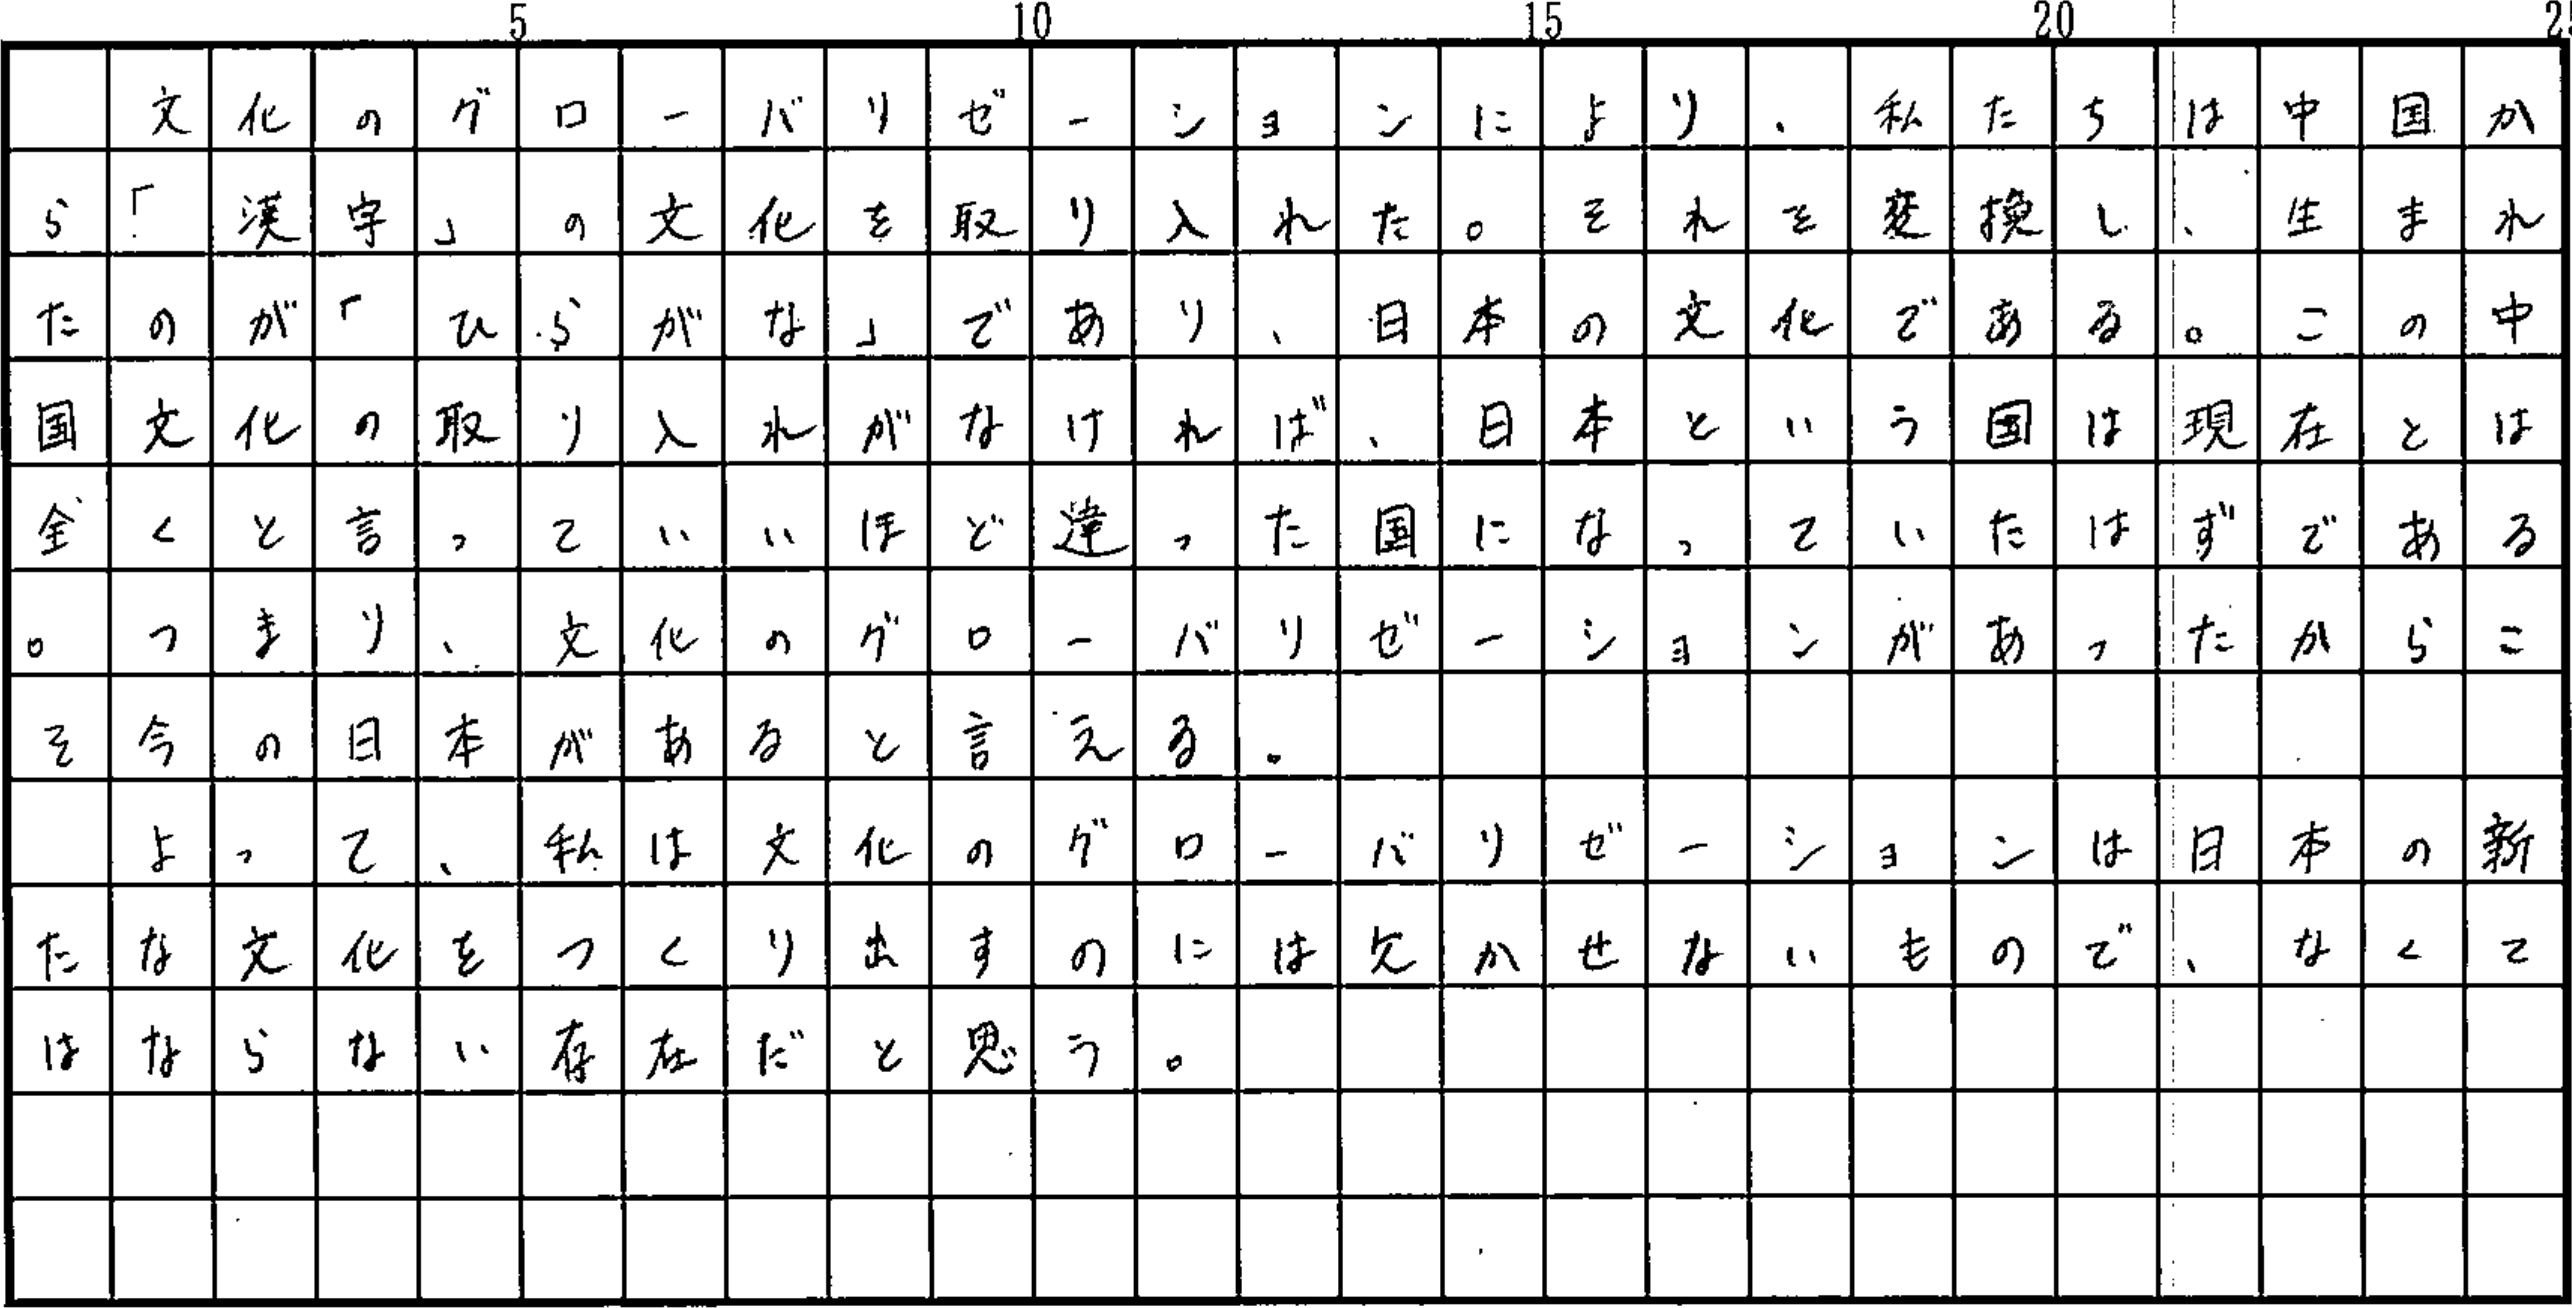　文化のグローバリゼーションにより、私たちは中国から「漢字」の文化を取り入れた。それを変換し、生まれたのが「ひらがな」であり、日本の文化である。この中国文化の取り入れがなければ、日本という国は現在とは全くと言っていいほど違った国になっていたはずである。つまり、文化のグローバリゼーションがあったからこそ今の日本があると言える。
　よって、私は文化のグローバリゼーションは日本の新たな文化をつくり出すのには欠かせないもので、なくてはならない存在だと思う。
